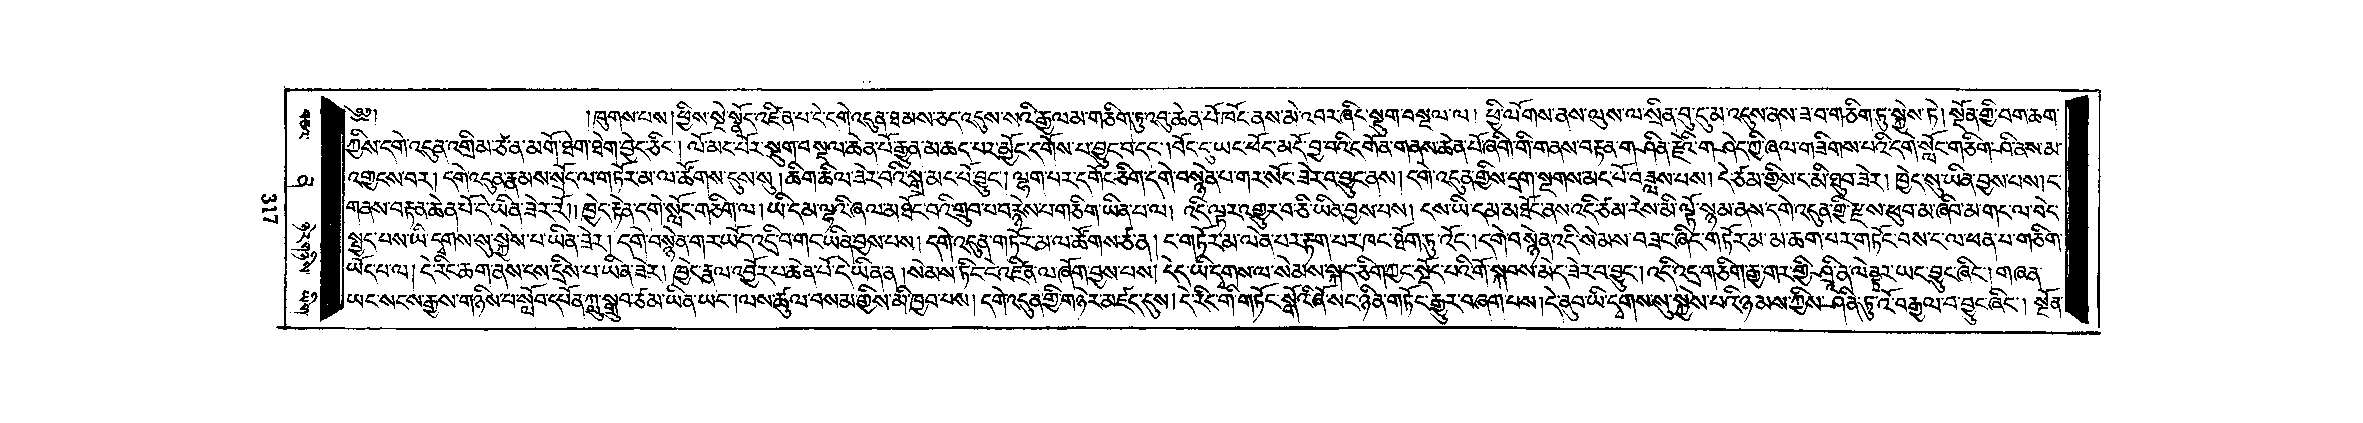༄༅། །ཁུགས་པས། ཕྱིས་སྡེ་སྣོད་འཛིན་པ་དེ་དགེ་འདུན་ཐམས་ཅད་འདུས་སའི་རྒྱ་ལམ་གཅིག་ཏུ་འབུ་ཆེན་པོ་ཁོང་ནས་མེ་འབར་ཞིང་སྡུག་བསྔལ་ལ། ཕྱི་ལོགས་ནས་ལུས་ལ་སྲིན་བུ་དུ་མ་འདུས་ནས་ཟ་བ་གཅིག་ཏུ་སྐྱེས་ཏེ། སྔོན་གྱི་བག་ཆག་
ཀྱིས་དགེ་འདུན་འགྲིམ་ཙ་ན་མགོ་ཐེག་ཐེག་བྱེད་ཅིང་། ལོ་མང་པོར་སྡུག་བསྔལ་ཆེན་པོ་རྒྱུན་མ་ཆད་པར་མྱོང་དགོས་པ་བྱུང་བ་དང་། བོད་དུ་ཡང་ཕོད་མདོ་བྱ་བའི་དགོན་གནས་ཆེན་པོ་ཞིག་གི་གནས་བརྟན་གཤིན་རྗེའི་གཤེད་ཀྱི་ཞལ་གཟིགས་པའི་དགེ་སློང་གཅིག་ཤི་ནས་མ་
འགྱངས་བར། དགེ་འདུན་རྣམས་སྲོད་ལ་གཏོར་མ་ལ་ཚོགས་དུས་སུ། ཆིག་ཆིལ་ཟེར་བའི་སྒྲ་མང་པོ་བྱུང་། ལྷག་པར་དགོང་ཅིག་དགེ་བསྙེན་པ་གར་སོང་ཟེར་བ་བྱུང་ནས། དགེ་འདུན་གྱིས་དྲག་སྔགས་མང་པོ་བཟླས་པས། དེ་ཙམ་གྱིས་ད་མི་ཐུབ་ཟེར། ཁྱེད་སུ་ཡིན་བྱས་པས། ང་
གནས་བརྟན་ཆེན་པོ་དེ་ཡིན་ཟེར་རོ། །ཁྱེད་རྟེན་དགེ་སློང་གཅིག་ལ། ཡི་དམ་ལྷའི་ཞལ་མཐོང་བའི་གྲུབ་པ་བརྙེས་པ་གཅིག་ཡིན་པ་ལ། འདི་ལྟར་འགྱུར་བ་ཅི་ཡིན་བྱས་པས། དས་ཡི་དམ་མཐོང་ནས་འདི་ཙམ་རེས་མི་ལྟོ་སྙམ་ནས་དགེ་འདུན་གྱི་རྫས་ཕུབ་མ་ཞིབ་མ་གང་ལ་བེད་
སྤྱད་པས་ཡི་དྭགས་སུ་སྐྱེས་པ་ཡིན་ཟེར། དགེ་བསྙེན་གར་ཡོད་འདྲི་བ་གང་ཡིན་བྱས་པས། དགེ་འདུན་གཏོར་མ་ལ་ཚོགས་ཙ་ན། ང་གཏོར་མ་ལེན་པར་རྟག་པར་ཁང་ཐོག་ཏུ་འོང་། དགེ་བསྙེན་འདི་སེམས་བཟང་ཞིང་གཏོར་མ་མ་ཆག་པར་གཏོང་བས་ང་ལ་ཕན་པ་གཅིག་
ཡོད་པ་ལ། དེ་རིང་ཆག་ནས་ངས་དྲིས་པ་ཡིན་ཟེར། ཁྱེད་རྣལ་འབྱོར་པ་ཆེན་པོ་དེ་ཡིན་ན། སེམས་ཏིང་ངེ་འཛིན་ལ་ཞོག་བྱས་པས། དེད་ཡི་དྭགས་ལ་སེམས་སྐད་ཅིག་ཀྱང་སྡོད་པའི་གོ་སྐབས་མེད་ཟེར་བ་བྱུང་། འདི་འདྲ་གཅིག་རྒྱ་གར་གྱི་ཤྲཱི་ན་ལེནྟྲར་ཡང་བྱུང་ཞིང་། གཞན་
ཡང་སངས་རྒྱས་གཉིས་པ་སློབ་དཔོན་ཀླུ་སྒྲུབ་ཙམ་ཡིན་ཡང་། ལས་ཚུལ་བསམ་གྱིས་མི་ཁྱབ་པས། དགེ་འདུན་གྱི་གཉེར་མཛད་དུས། དེ་རིང་གི་གཏོང་སྒོའི་ཞོ་སང་ཉིན་གཏོང་རྒྱུར་བཞག་པས། དེ་ནུབ་ཡི་དྭགས་སུ་སྐྱེས་པའི་ཉམས་ཀྱིས་ཤིན་ཏུ་འོ་བརྒྱལ་བ་བྱུང་ཞིང་། སྔོན་